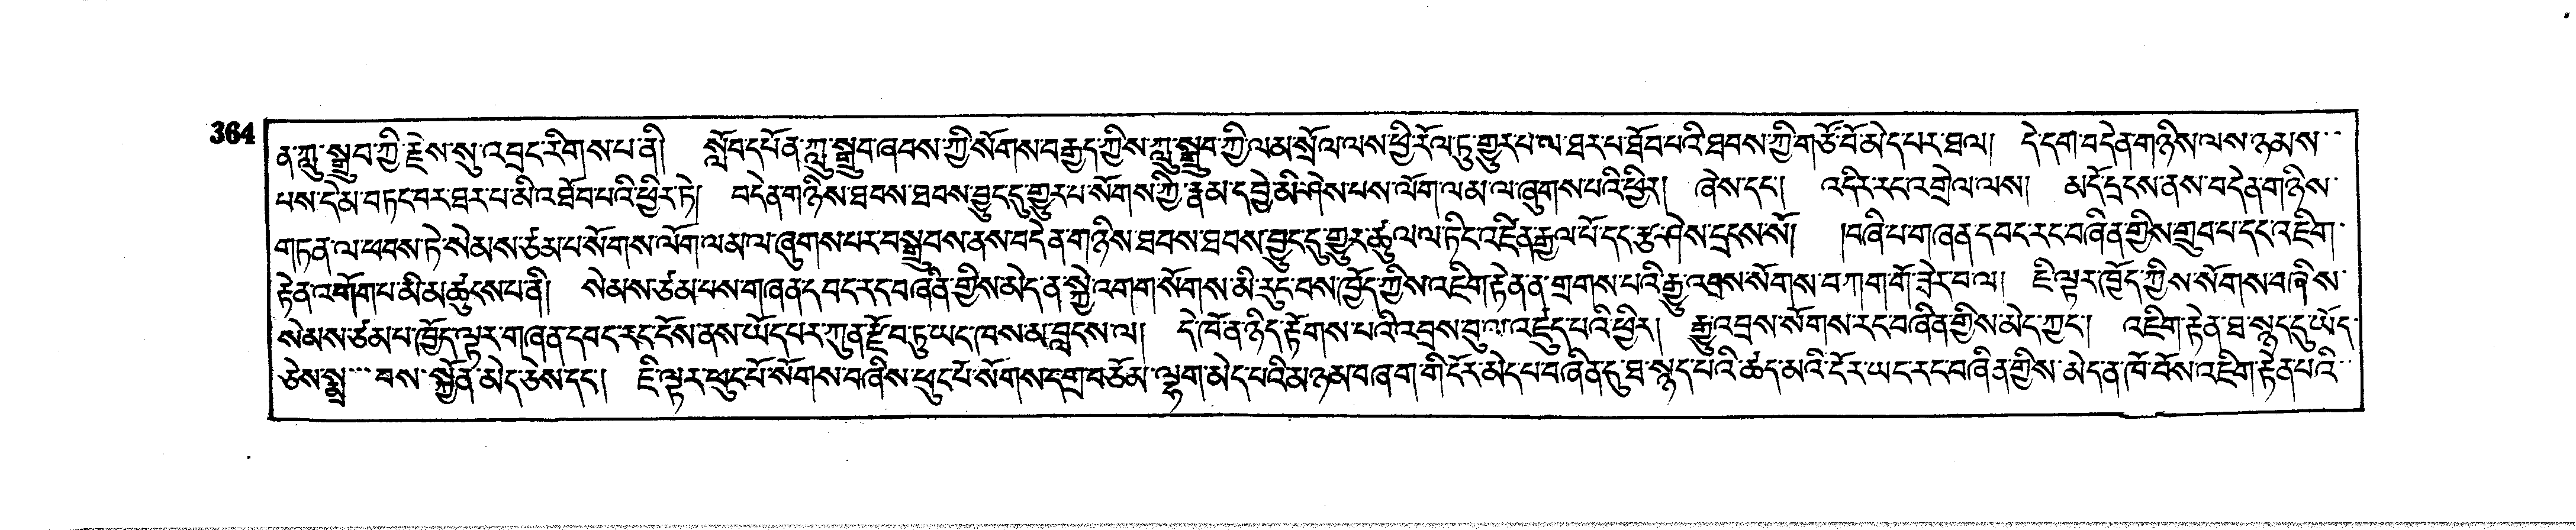ན་ཀླུ་སྒྲུབ་ཀྱི་རྗེས་སུ་འབྲང་རིགས་པ་ནི། སློབ་དཔོན་ཀླུ་སྒྲུབ་ཞབས་ཀྱི་སོགས་བརྒྱད་ཀྱིས་ཀླུ་སྒྲུབ་ཀྱི་ལམ་སྲོལ་ལས་ཕྱི་རོལ་ཏུ་གྱུར་པ་ལ་ཐར་པ་ཐོབ་པའི་ཐབས་ཀྱི་གཙོ་བོ་མེད་པར་ཐལ། དེ་དག་བདེན་གཉིས་ལས་ཉམས་
པས་དེ་མ་བཏང་བར་ཐར་པ་མི་འཐོབ་པའི་ཕྱིར་ཏེ། བདེན་གཉིས་ཐབས་ཐབས་བྱུང་དུ་གྱུར་པ་སོགས་ཀྱི་རྣམ་དབྱེ་མི་ཤེས་པས་ལོག་ལམ་ལ་ཞུགས་པའི་ཕྱིར། ཞེས་དང་། འདིར་རང་འགྲེལ་ལས། མདོ་དྲངས་ནས་བདེན་གཉིས་
གཏན་ལ་ཕབས་ཏེ་སེམས་ཙམ་པ་སོགས་ལོག་ལམ་ལ་ཞུགས་པར་བསྒྲུབས་ནས་བདེན་གཉིས་ཐབས་ཐབས་བྱུང་དུ་གྱུར་ཚུལ་ལ་ཏིང་འཛིན་རྒྱལ་པོ་དང་རྩ་ཤེས་དྲངས་སོ། །བཞི་པ་གཞན་དབང་རང་བཞིན་གྱིས་གྲུབ་པ་དང་འཇིག་
རྟེན་འགོག་པ་མི་མཚུངས་པ་ནི། སེམས་ཙམ་པས་གཞན་དབང་རང་བཞིན་གྱིས་མེད་ན་སྐྱེ་འགག་སོགས་མི་རུང་བས་ཁྱོད་ཀྱིས་འཇིག་རྟེན་ན་གྲགས་པའི་རྒྱུ་འབྲས་སོགས་བཀག་གོ་ཟེར་བ་ལ། ཇི་ལྟར་ཁྱོད་ཀྱིས་སོགས་བཞིས་
སེམས་ཙམ་པ་ཁྱོད་ལྟར་གཞན་དབང་རང་ངོས་ནས་ཡོད་པར་ཀུན་རྫོབ་ཏུ་ཡང་ཁས་མ་བླངས་ལ། དེ་ཁོ་ན་ཉིད་རྟོགས་པའི་འབྲས་བུ་ལ་འཛུད་པའི་ཕྱིར། རྒྱུ་འབྲས་སོགས་རང་བཞིན་གྱིས་མེད་ཀྱང་། འཇིག་རྟེན་ཐ་སྙད་དུ་ཡོད་
ཅེས་སྨྲ་བས་སྐྱོན་མེད་ཅེས་དང་། ཇི་ལྟར་ཕུང་པོ་སོགས་བཞིས་ཕུང་པོ་སོགས་དགྲ་བཅོམ་ལྷག་མེད་པའི་མཉམ་བཞག་གི་ངོར་མེད་པ་བཞིན་དུ་ཐ་སྙད་པའི་ཚད་མའི་ངོར་ཡང་རང་བཞིན་གྱིས་མེད་ན་ཁོ་བོས་འཇིག་རྟེན་པའི་